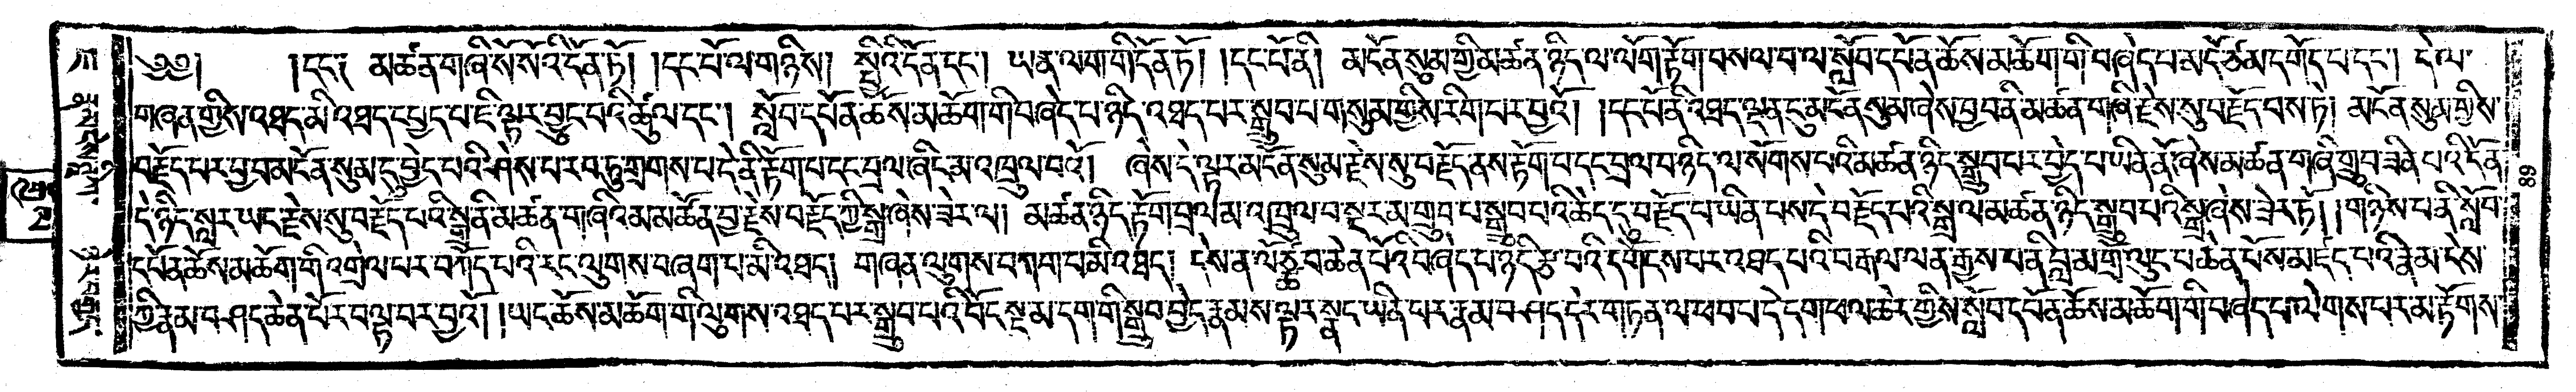༄༅། །དང་། མཚན་གཞི་སོ་སོའི་དོན་ཏོ། །དང་པོ་ལ་གཉིས། སྤྱིའི་དོན་དང་། ཡན་ལག་གི་དོན་ཏོ། །དང་པོ་ནི། མངོན་སུམ་གྱི་མཚན་ཉིད་ལ་ལོག་རྟོག་བསལ་བ་ལ་སློབ་དཔོན་ཆོས་མཆོག་གི་བཞེད་པ་མདོ་ཙམ་དགོད་པ་དང་། དེ་ལ་
གཞན་གྱིས་འཐད་མི་འཐད་དཔྱད་པ་ཇི་ལྟར་བྱུང་བའི་ཚུལ་དང་། སློབ་དཔོན་ཆོས་མཆོག་གི་བཞེད་པ་ཉིད་འཐད་པར་སྒྲུབ་པ་གསུམ་གྱིས་རིག་པར་བྱའོ། །དང་པོ་ནི་འཐད་ལྡན་དུ་མངོན་སུམ་ཞེས་བྱ་བ་ནི་མཚན་གཞི་རྗེས་སུ་བརྗོད་པས་ཏེ། མངོན་སུམ་གྱིས་
བརྗོད་པར་བྱ་བ་མངོན་སུམ་དུ་བྱེད་པའི་ཤེས་པ་རབ་ཏུ་གྲགས་པ་དེ་ནི་རྟོག་པ་དང་བྲལ་ཞིང་མ་འཁྲུལ་བའོ། ཞེས་དེ་ལྟར་མངོན་སུམ་རྗེས་སུ་བརྗོད་ནས་རྟོག་པ་དང་བྲལ་བ་ཉིད་ལ་སོགས་པའི་མཚན་ཉིད་སྒྲུབ་པར་བྱེད་པ་ཡིན་ནོ་ཞེས་མཚན་གཞི་གྲུབ་ཟིན་པའི་དོན་
དེ་ཉིད་སླར་ཡང་རྗེས་སུ་བརྗོད་པའི་སྒྲ་ནི་མཚན་གཞིའམ་མཚོན་བྱ་རྗེས་བརྗོད་ཀྱི་སྒྲ་ཞེས་ཟེར་ལ། མཚན་ཉིད་རྟོག་བྲལ་མ་འཁྲུལ་བ་སྔར་མ་གྲུབ་པ་སྒྲུབ་པའི་ཆེད་དུ་བརྗོད་པ་ཡིན་པས་དེ་བརྗོད་པའི་སྒྲ་ལ་མཚན་ཉིད་སྒྲུབ་པའི་སྒྲ་ཞེས་ཟེར་ཏོ། །གཉིས་པ་ནི་སློབ་
དཔོན་ཆོས་མཆོག་གི་འབྲེལ་པར་བཀོད་པའི་རང་ལུགས་བཞག་པ་མི་འཐད། གཞན་ལུགས་བཀག་པ་མི་འཐད། དེས་ན་ལོཙྪ་བ་ཆེན་པོའི་བཞེད་པ་ཉིད་རྩ་བའི་དགོངས་པར་འཐད་པའི་བརྒལ་ལན་རྒྱས་པ་ནི་བླ་མ་གྲོ་ལུང་པ་ཆེན་པོས་མཛད་པའི་རྣམ་ངེས་
ཀྱི་རྣམ་བཤད་ཆེན་པོར་བལྟ་བར་བྱའོ། །ཡང་ཆོས་མཆོག་གི་ལུགས་འཐད་པར་སྒྲུབ་པའི་བོད་སྔ་མ་དག་གི་སྒྲུབ་བྱེད་རྣམས་ལྟར་སྣང་ཡིན་པར་རྣམ་བཤད་དེར་གཏན་ལ་ཕབ་པ་དེ་དག་ཕལ་ཆེར་གྱིས་སློབ་དཔོན་ཆོས་མཆོག་གི་བཞེད་པ་ལེགས་པར་མ་རྟོགས་